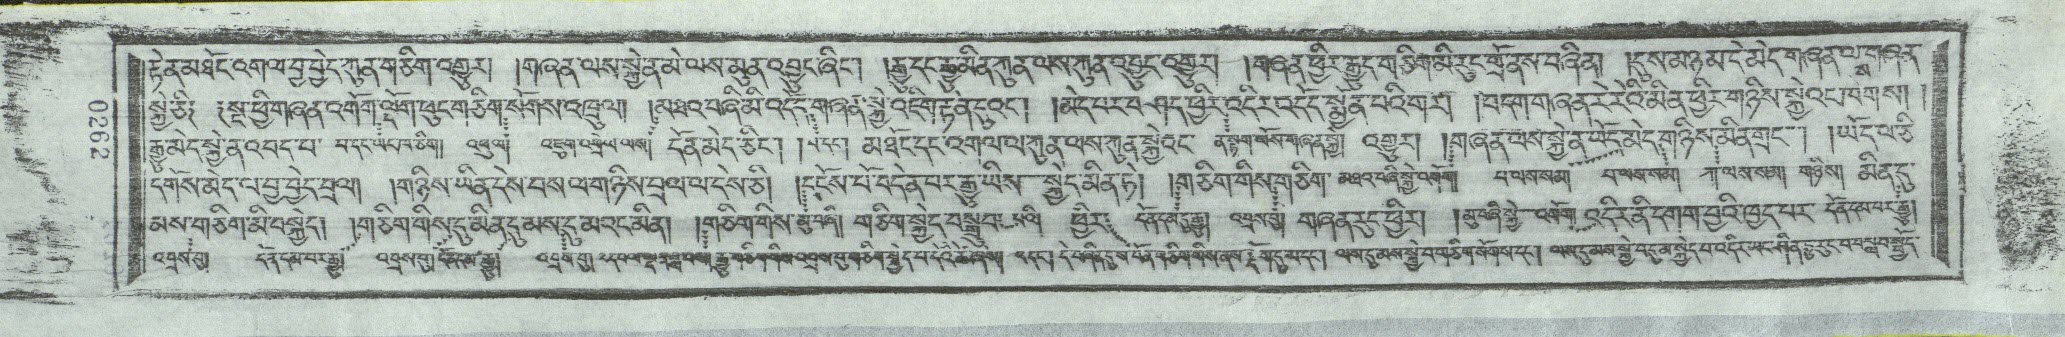རྟེན་མཐོང་འགལ་བྱ་བྱེད་ཀུན་གཅིག་འགྱུར། །གཞན་ལས་སྐྱེན་མེ་ལས་མུན་འབྱུང་ཞིང་། །རྒྱུ་དང་རྒྱུ་མིན་ཀུན་ལས་ཀུན་འབྱུང་འགྱུར། །གཞན་ཕྱིར་རྒྱུད་གཅིག་མི་རུང་གྲོ་ནས་བཞིན། །དུས་མཉམ་དེ་མེད་གཞན་ལས་གཞན་
སྐྱེ་ཅི། །སྔ་ཕྱི་གཞན་འགོག་ལྡོག་ཕུང་གཅིག་སོགས་འཁྲུལ། །མཐའ་བཞི་མི་འདོད་གཞན་སྐྱེ་འཇིག་རྟེན་དུའང་། །མེད་པར་བཤད་ཕྱིར་འདིར་འདོད་སྨྱོན་པའི་གར། །བདག་གཞན་རེ་རེའི་མིན་ཕྱིར་གཉིས་སྐྱེའང་ཁེགས། །
རྒྱུ་མེད་སྐྱེ་ན་འབད་པ་པ་དང་ཡབ་ཁ་ཅིག། འཕུལ། འཇུག་འགྲེལ་ལས། དོན་མེད་ཅིང་། །བ་དང་། མཐོང་དང་འགལ་ལ་ཀུན་ལས་ཀུན་སྐྱེའང་ན་སྟག་ཡོས་གཞན་སྐྱེ། འགྱུར། །གཞན་ལས་སྐྱེ་ན་ཡོད་མེད་གཉིས་མིན་གྲང་། །ཡོད་ལ་ཅི་
དགོས་མེད་པ་བྱ་བྱེད་བྲལ། །གཉིས་ཡིན་དེས་བསལ་གཉིས་བྲལ་ལ་དེས་ཅི། །དངོས་པོ་བདེན་པར་རྒྱུ་ཡིས་སྐྱེད་མིན་ཏེ། །གཅིག་གིས་གཅིག་མཐའ་བཞི་སྐྱེ་འགོག། པ་ལས་སམ། པ་ལས?་སམ་ཀ་ལས་སམ། གཉིས། མིན་དུ་
མས་གཅིག་མི་བསྐྱེད། །གཅིག་གིས་དུ་མིན་དུ་མས་དུ་མའང་མིན། །གཅིག་གིས་མུ་བཞི། གཅིག་སྐྱེད་བསྒྲུབ་པའི། །ཕྱིར། དོན་དམ་དུ་རྒྱུ། འབྲས་བུ། གཞན་རུང་ཕྱིར། །མུ་བཞི་སྐྱེ་འཕོག་འདིར་ནི་དགག་བྱའི་ཁྱད་པར་དོན་དམ་པར་རྒྱུ།
འབྲས་ས། དོད་དམ་པ་?་འབྲས་གུ་ངོས་??་འབྲས་བུ། འདབ་ལ་ལྡན་ཟླ་བས། རྒྱུ་གཅིག་གིས་འདྲས་བུ་གཅིག་སྐྱེད་པ་དོའི་ཚེ་ནས། འདབ་དེ་བཞིན་དུས་སོན་གཅིག་གིས་ནས་རྡོག་དུ་བ་དང་། ལས་དུ་མས་སྐྱེ་བ་གཅིག་སོགས་དང་། ལས་དུ་མས་སྐྱེ་བདུ་མ་སྐྱེད་པ་འདིར་ཡང་ཤིན་ཏུ་རུང་བ་བསླབ་སྤྱོད་